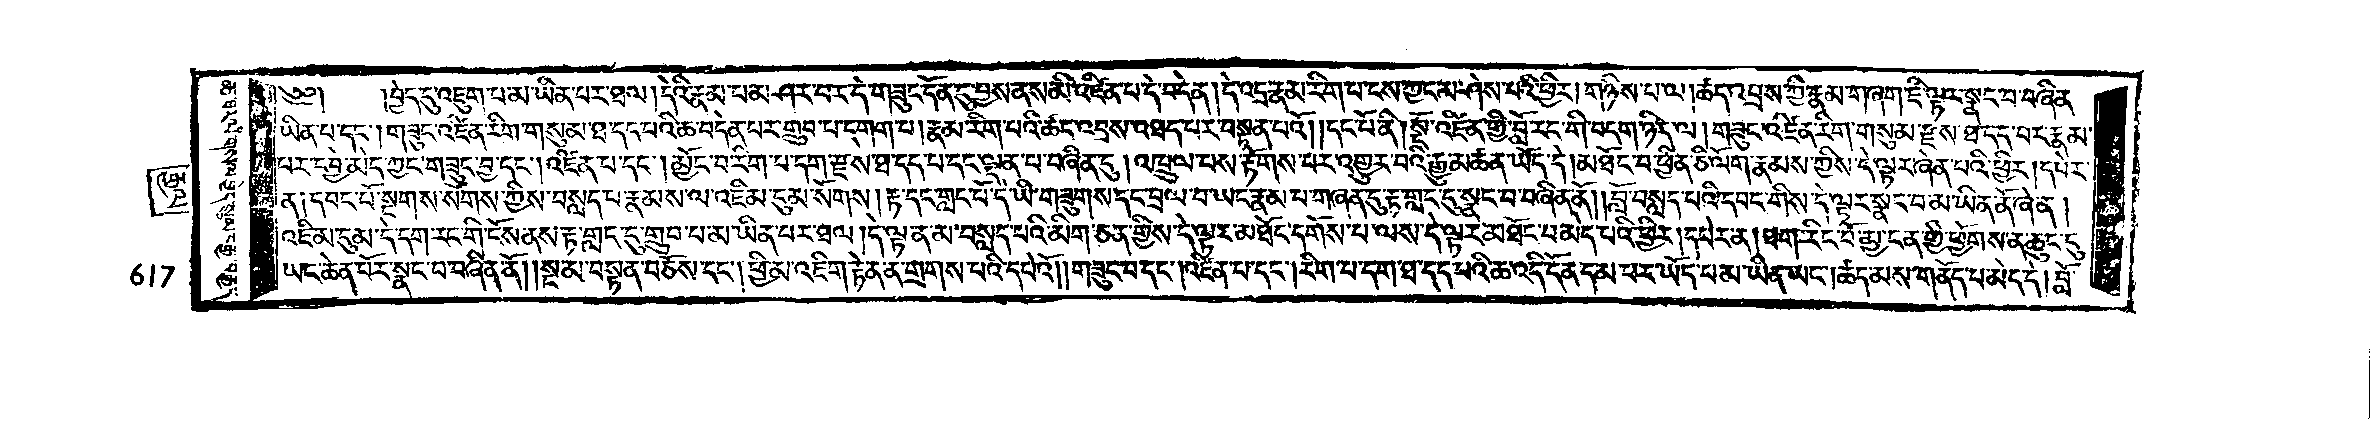༄༅། །བྱེད་དུ་འཇུག་པ་མ་ཡིན་པར་ཐལ། དེའི་རྣམ་པ་མ་ཤར་བར་དེ་གཟུང་དོན་དུ་བྱས་ནས་མི་འཛིན་པ་དེ་བདེན། དེ་འདྲ་རྣམ་རིག་པ་ངས་ཀྱང་མ་ཤེས་པའི་ཕྱིར། གཉིས་པ་ལ། ཚད་འབྲས་ཀྱི་རྣམ་གཞག་ཇི་ལྟར་སྣང་བ་བཞིན་
ཡིན་པ་དང་། གཟུང་འཛིན་རིག་གསུམ་ཐ་དད་པའི་ཆ་བདེན་པར་གྲུབ་པ་དགག་པ། རྣམ་རིག་པའི་ཚད་འབྲས་འཐད་པར་བསྟན་པའོ། །དང་པོ་ནི། སྔོ་འཛིན་གྱི་བློ་རང་གི་བདག་ཉིད་ལ། གཟུང་འཛིན་རིག་གསུམ་རྫས་ཐ་དད་པར་རྣམ་
པར་དབྱེ་མེད་ཀྱང་གཟུང་བྱ་དང་། འཛིན་པ་དང་། མྱོང་བ་རིག་པ་དག་རྫས་ཐ་དད་པ་དང་ལྡན་པ་བཞིན་དུ། འཁྲུལ་པས་རྟོགས་པར་འགྱུར་བའི་རྒྱུ་མཚན་ཡོད་དེ། མཐོང་བ་ཕྱིན་ཅི་ལོག་རྣམས་ཀྱིས་དེ་ལྟར་ཞེན་པའི་ཕྱིར། དཔེར་
ན། དབང་པོ་སྔགས་སོགས་ཀྱིས་བསླད་པ་རྣམས་ལ་འཇིམ་དུ་མ་སོགས། རྟ་དང་གླང་པོ་དེ་ཡི་གཟུགས་དང་བྲལ་བ་ཡང་རྣམ་པ་གཞན་དུ་རྟ་གླང་དུ་སྣང་བ་བཞིན་ནོ། །བློ་བསླད་པའི་དབང་གིས་དེ་ལྟར་སྣང་བ་མ་ཡིན་ནོ་ཞེ་ན།
འཇིམ་དུམ་དེ་དག་རང་གི་ངོས་ནས་རྟ་གླང་དུ་གྲུབ་པ་མ་ཡིན་པར་ཐལ། དེ་ལྟ་ན་མ་བསླད་པའི་མིག་ཅན་གྱིས་དེ་ལྟར་མཐོང་དགོས་པ་ལས་དེ་ལྟར་མཐོང་བ་མེད་པའི་ཕྱིར། དཔེར་ན། ཐག་རིང་པོ་མྱ་ངན་གྱི་ཕྱོགས་ན་ཆུང་ངུ་
ཡང་ཆེན་པོར་སྣང་བ་བཞིན་ནོ། །སྔ་མ་བསྟན་བཅོས་དང་། ཕྱི་མ་འཇིག་རྟེན་ན་གྲགས་པའི་དཔེ་འོ། །གཟུང་བ་དང་། འཛིན་པ་དང་། རིག་པ་དག་ཐ་དད་པའི་ཆ་འདི་དོན་དམ་པར་ཡོད་པ་མ་ཡིན་ཡང་། ཚད་མས་གནོད་པ་མེད་དེ། བློ་